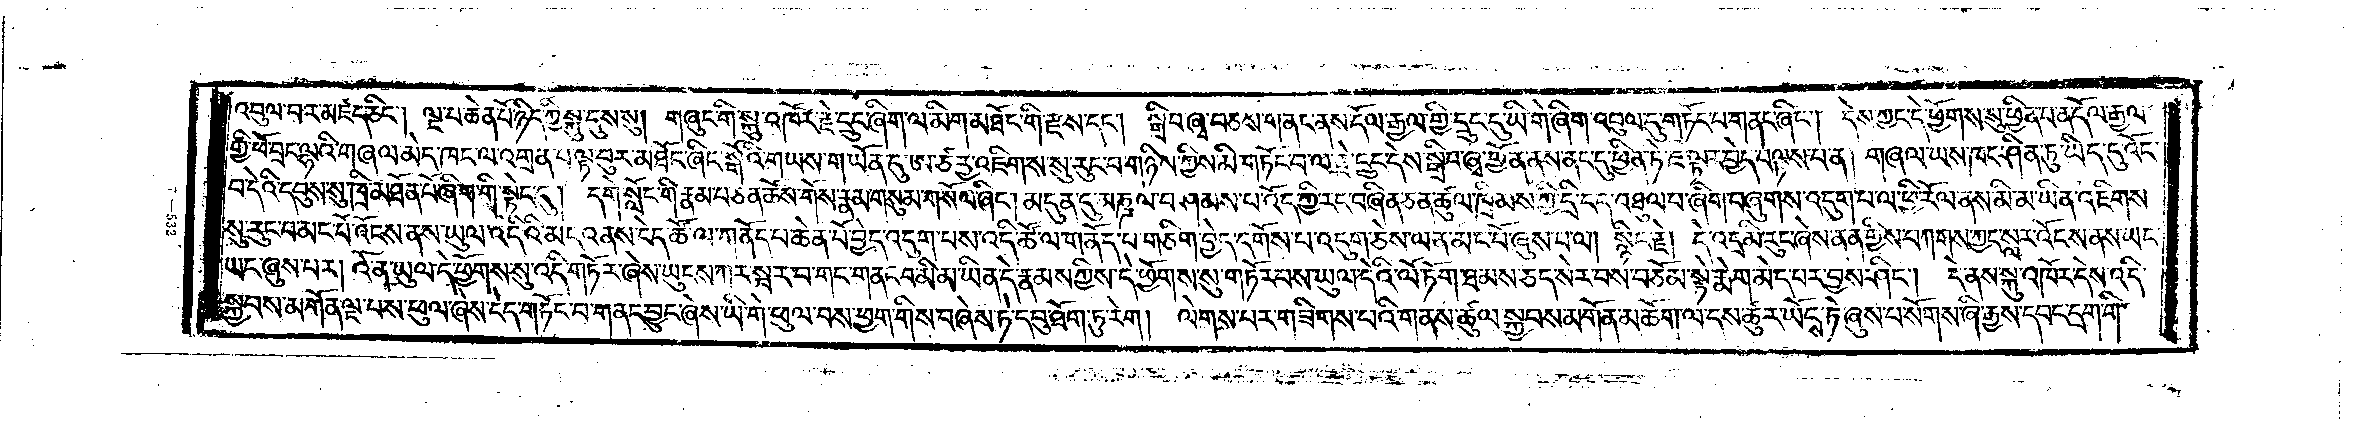འབུལ་བར་མཛད་ཅིང་། ལྔ་པ་ཆེན་པོ་ཉིད་ཀྱི་སྐུ་དུས་སུ། གཞུང་གི་སྐུ་འཁོར་རྗེ་དྲུང་ཞིག་ལ་མིག་མཐོང་གི་རྫས་དང་། སྒྲིབ་ཞྭ་བཅས་གནང་ནས་དོལ་རྒྱལ་གྱི་དྲུང་དུ་ཡི་གེ་ཞིག་འབུལ་དུ་གཏོང་བ་གནང་ཞིང་། དེས་ཀྱང་དེ་ཕྱོགས་སུ་ཕྱིན་པ་ན་དོལ་རྒྱལ་
གྱི་ཕོ་བྲང་ལྷའི་གཞལ་མེད་ཁང་ལ་འགྲན་པ་ལྟ་བུར་མཐོང་ཞིང་སྒོའི་གཡས་གཡོན་དུ་ཨ་ཙ་རྱ་འཇིགས་སུ་རུང་བ་གཉིས་ཀྱིས་མི་གཏོང་བ་ལ་རྗེ་དྲུང་དེས་སྒྲིབ་ཞྭ་གྱོན་ནས་ནང་དུ་ཕྱིན་ཏེ་ཇི་ལྟར་བྱེད་པ་བལྟས་པ་ན། གཞལ་ཡས་ཁང་ཤིན་ཏུ་ཡིད་དུ་འོང་
བདེའི་དབུས་སུ་ཁྲི་མཐོན་པོ་ཞིག་གི་སྟེང་དུ། དགེ་སློང་གི་རྣམ་པ་ཅན་ཆོས་གོས་རྣམ་གསུམ་གསོལ་ཞིང་། མདུན་དུ་མཎྜལ་བཤམས་པ་འོད་ཀྱི་རང་བཞིན་ཅན་ཚུལ་ཁྲིམས་ཀྱི་དྲི་ངད་འཐུལ་བ་ཞིག་བཞུགས་འདུག་པ་ལ་ཕྱི་རོལ་ནས་མི་མ་ཡིན་འཇིགས་
སུ་རུང་བ་མང་པོ་འོངས་ནས་ཡུལ་འདིའི་མངའ་ནས་ངེད་ཚོ་ལ་གནོད་པ་ཆེན་པོ་བྱེད་འདུག་པས་འདི་ཚོ་ལ་གནོད་པ་གཅིག་བྱེད་དགོས་པ་འདུག་ཅེས་ལན་མང་པོ་ཞུས་པ་ལ། སྙིང་རྗེ། དེ་འདྲ་མི་རུང་ཞེས་ནན་གྱིས་བཀགས་ཀྱང་སླར་འོངས་ནས་ཡང་
ཡང་ཞུས་པར། འོ་ན་ཡུལ་དེ་ཕྱོགས་སུ་འདི་གཏོར་ཞེས་ཡུངས་ཀར་སྦར་བ་གང་གནང་བ་མི་མ་ཡིན་དེ་རྣམས་ཀྱིས་དེ་ཕྱོགས་སུ་གཏོར་བས་ཡུལ་དེའི་ལོ་ཏོག་ཐམས་ཅད་སེར་པས་བཅོམ་སྟེ་རྨེག་མེད་པར་བྱས་ཤིང་། དེ་ནས་སྐུ་འཁོར་དེས་འདི་
སྐྱབས་མགོན་ལྔ་པས་ཕུལ་ཞེས་ངེད་གཏོང་བ་གནང་བྱུང་ཞེས་ཡི་གེ་ཕུལ་བས་ཕྱག་གིས་བཞེས་ཏེ་དབུ་ཐོག་ཏུ་རེག། ལེགས་པར་གཟིགས་པའི་གནས་ཚུལ་སྐྱབས་མགོན་མཆོག་ལ་དེས་ཚུར་ཡོངས་ཏེ་ཞུས་པ་སོགས་ཞི་རྒྱས་དབང་དྲག་གི་